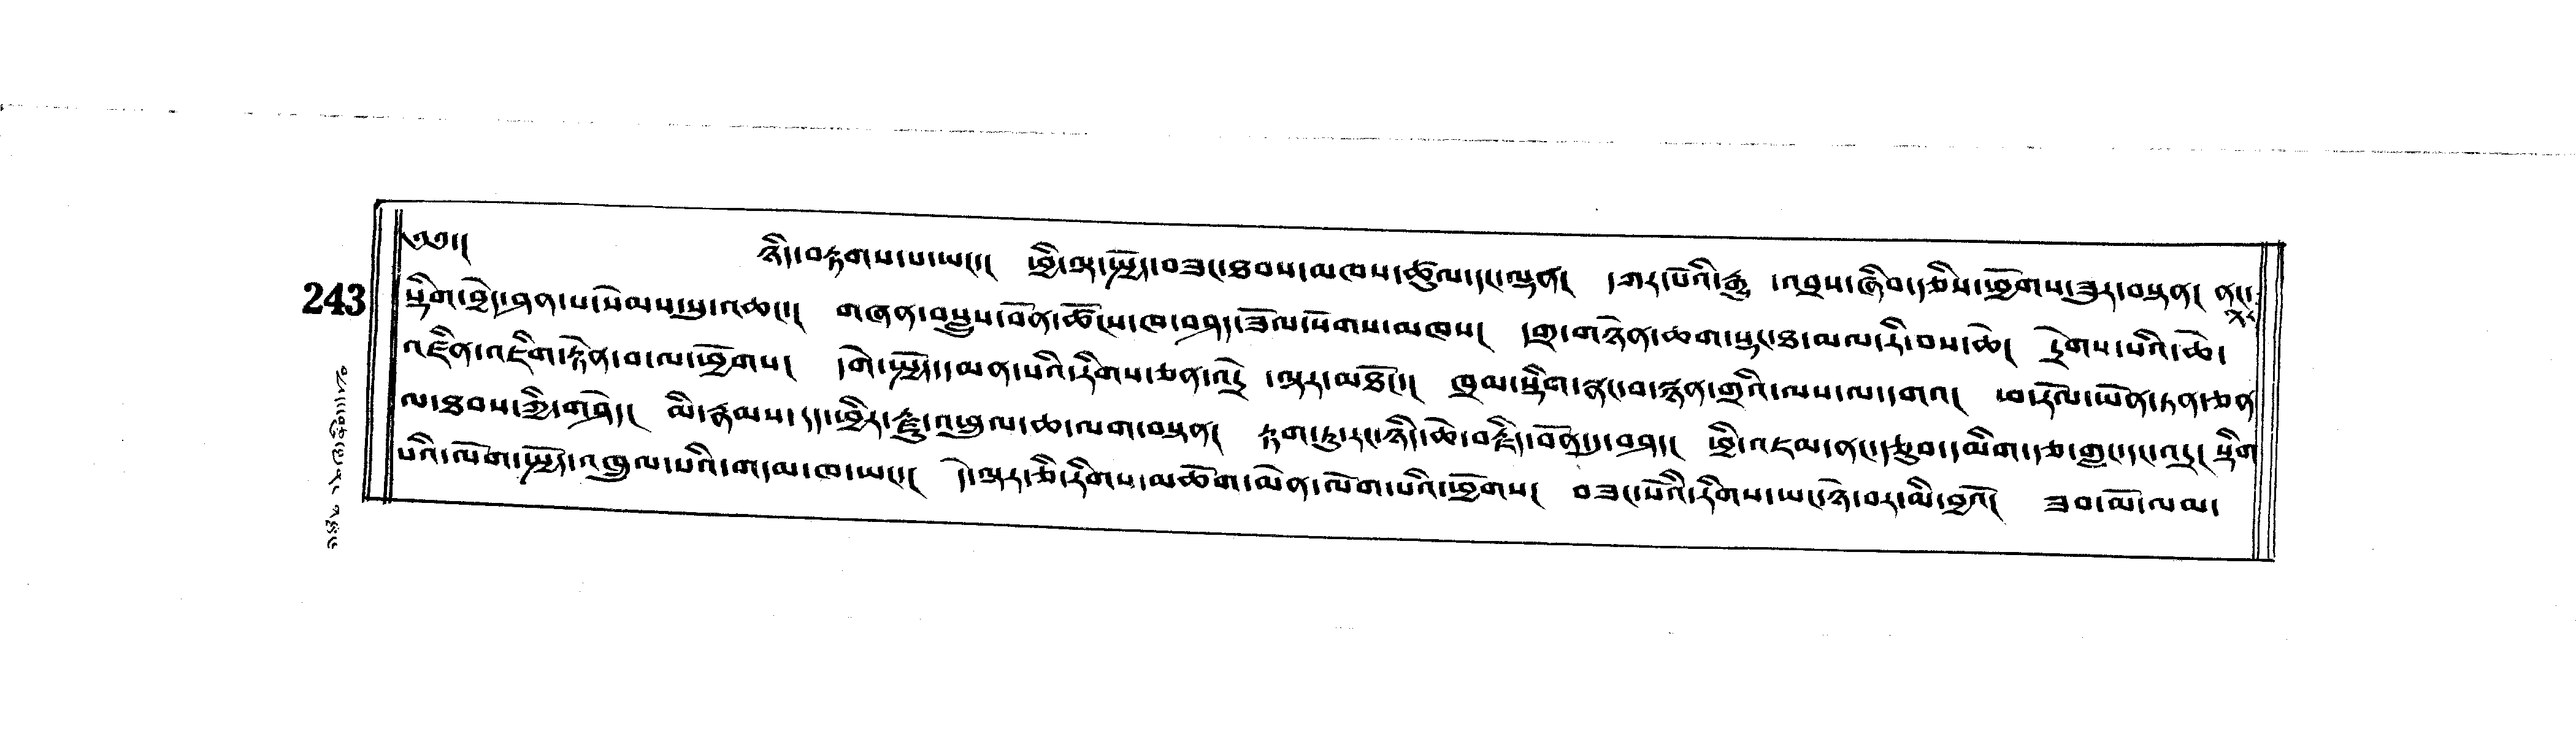ཉིད་བརྟག་པ་ཡང་། ཕྱི་ལྟ་སྤྱོད་བཟང་ཐབས་མཁས་ཚུལ་དང་ལྡན། དཀར་པོའི་རྒྱུ་འབྲས་ཞིབ་རྩིས་ཚོགས་ཟུར་བསྟན། ནང་ལྟར་
སྡིག་བྱེད་ཤན་པ་སེམས་སུ་འཆང་། གཞན་བསླུས་བོན་འཚོང་ཁ་བཤད་ཟོལ་ཟོག་མཁས། དགྲ་གཉེན་ཆགས་སྡང་ཐ་མལ་རི་བས་ཆེ། དྲེགས་པའི་ཆེ་
འཛིན་འཇིག་རྟེན་བ་ལ་ཕྱོགས། དགེ་སྤྱོད་དམན་པའི་རིགས་ཅན་འདྲེ་ལྟར་མཐོང་། ཁྲམ་སྡིག་སྣང་བ་སྙན་གྲའི་ལས་ལ་དགའ། ཕ་རོལ་ཡོན་ཏན་ཅན་
ལ་ཐབས་ཀྱིས་གཤེད། མི་རྣམས་དད་ཕྱིར་རྫུ་འཕྲུལ་ཆ་ལག་བསྟན། རྟག་ཏུ་རང་ཉིད་ཆེ་བརྗིད་བོན་དུ་བཤད། ཕྱི་འཇམ་ནང་རྩུབ་མིག་རྩ་གླང་དང་འདྲ། སྡིག་
པའི་ལོག་སྤྱོད་འཁྲུལ་པའི་གདམ་ཁ་ཡང་། དེ་ལྟར་ཅི་རིགས་མཆོག་དམན་ལོག་པའི་ཕྱོགས། བཟང་པོའི་རིགས་ཡང་ཉེ་བར་མི་བྱའོ། ཟབ་མོ་ལམ་